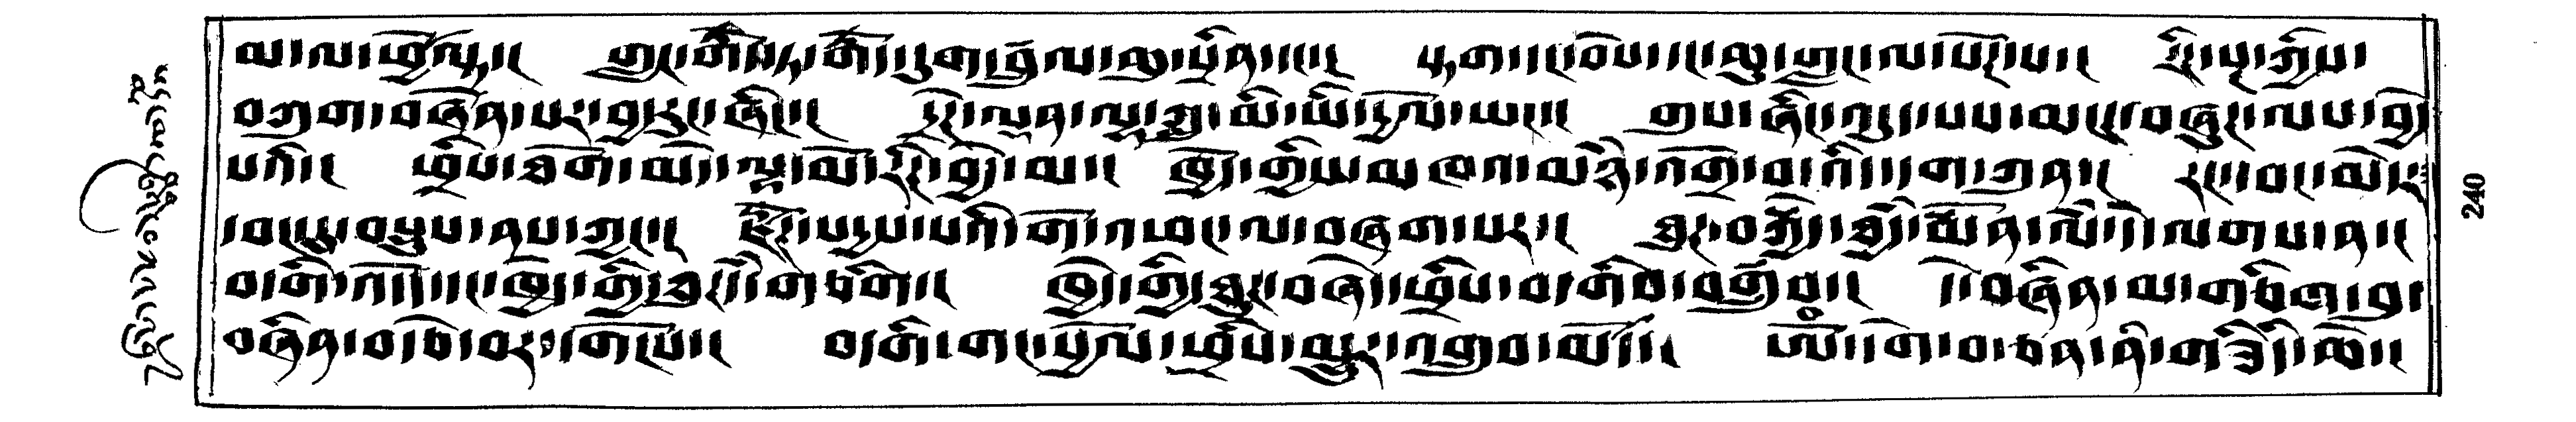མ་ལ་ཕྱག་འཚལ་བསྟོད། །གླང་རྒོད་རྟ་རྒོད་དུག་སྦྲུལ་ཆུ་སྲིན་དང་། །སྟག་དང་བསེ་དང་ཆུ་གླང་ལ་སོགས་པ། །རིགས་སྔགས་ཀྱིས་
བཀུག་བཞོན་པར་བྱ་རུང་ཞིང་། །དྲེགས་ལྡན་ལྷ་ཀླུ་མི་ཡི་རྒྱལ་པོ་ཡང་། །གུས་ཞིང་འདུད་པས་མངགས་བཞུག་ལས་བྱེད་
པའི། །ཕྲིན་ལས་ཐོགས་མེད་ལྷ་མོ་རིག་བྱེད་མ། །ཁྱོད་ཀྱིས་མཁའ་མཉམ་འགྲོ་བ་འདི་དག་ཀུན། །རང་དབང་མེད་པར་
དབང་དུ་བསྡུས་ནས་ཀྱང་། །རྫོགས་སངས་རྒྱས་པའི་གོ་འཕང་ལ་བཞག་པར། །ཐུགས་བསྐྱེད་ཐུགས་དམ་སྨོན་ལམ་དེ་ལགས་ན། །
བདག་གི་འདོད་དང་ཁྱེད་ཀྱི་ཐུགས་དམ་གཅིག། །ཁྱེད་ཀྱི་ཐུགས་བཞེད་ཕྲིན་ལས་བདག་གིས་བསྒྲུབ། །དེ་བཞིན་མ་གཅིག་བུ་
བཞིན་བརྩེ་བས་དགོངས། །བདག་གི་གང་གསོལ་ཕྲིན་ལས་མྱུར་འགྲུབ་མཛོད། །ཨོཾ་དགེ་བ་ཅན་ནི་གཟི་བརྗིད་ཆེ།